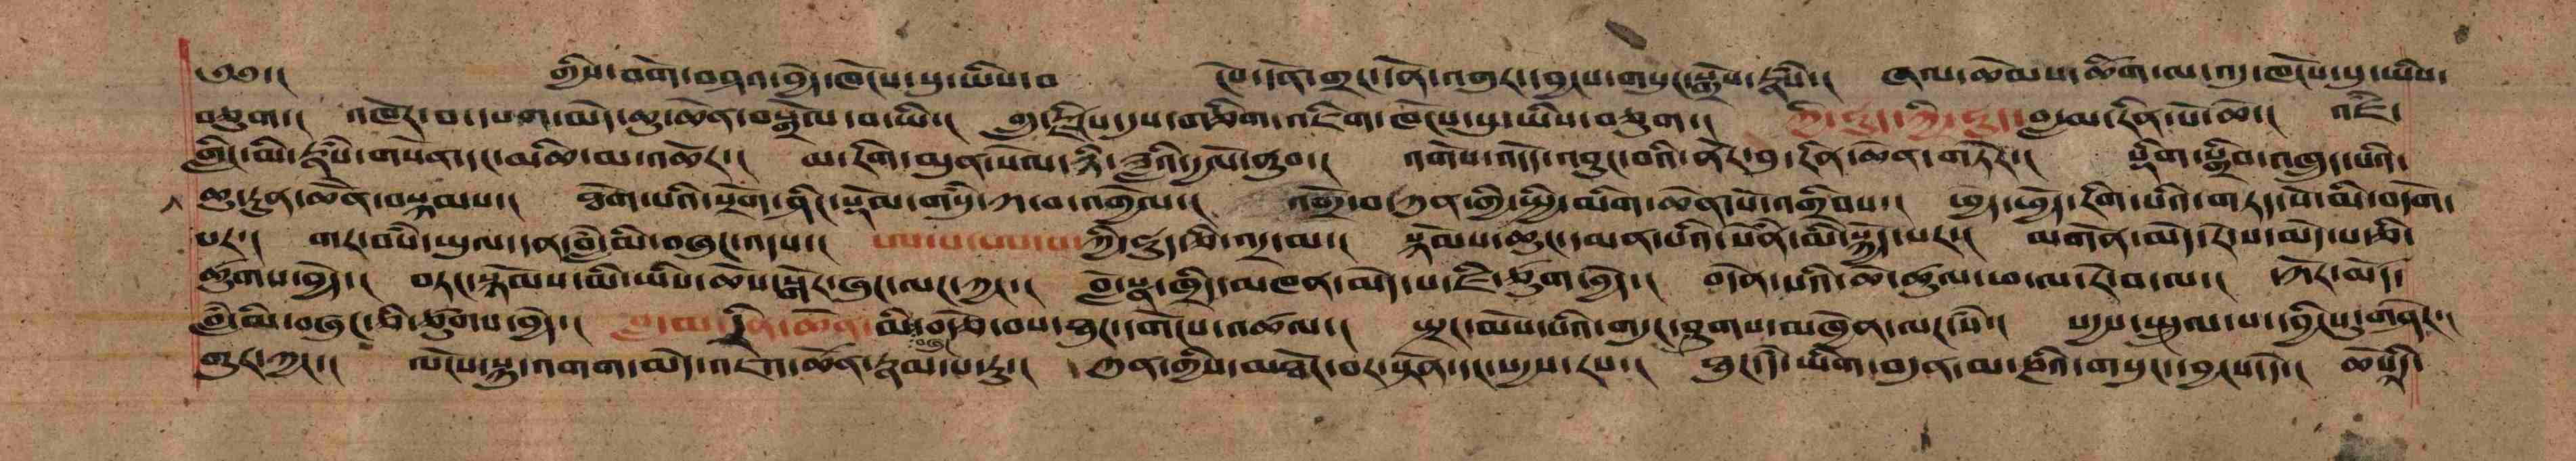༄༅། གྱིས་བགོ་བཤའ་བྱེད་ཁོངས་སུ་ཡིས་བ། ངེས་དོན་གྲང་དོན་འགུར་དབྱངས་གསུང་སྒྲོས་རྣམས། ཞལ་ཆེམས་ཚིག་མ་འདུ་ཁོརས་སུ་ཡིས་
བཅུག། འཁོར་བ་དཔག་མེད་ཆུ་ཆེན་བསྒྲོལ་བ་ཡི། གྲུ་རྫིངས་དུས་གཅིག་འཇིག་ཁོངས་སུ་ཡིས་བཅུག། ཀྱེ་ཧུད་ཀྱི་ཧུད་བླ་མ་རིན་པོ་ཆེ། འཛམ་
གླིང་མི་རྣམས་གསོན་དང་མཆི་མ་འཆོར། མ་རིག་མུན་སེལ་ཉི་ཟླའི་རྒྱལ་པོ་ནུབ། འགོས་འདོད་འབྱུང་བའི་ནོར་བུ་རིན་ཆེན་གཏེར། སྡིག་སྒྲིབ་འཁྲུད་པའི་
ཆུ་རྒྱུན་ཆེན་པོ་བསྐམས། ཐེག་པའི་སྲོག་ཤིང་སྡོམ་གསུམ་ཀ་བ་འགྱེལ། འགྲོ་བ་ཀུན་གྱི་སྤྱི་མིག་ཆེན་པོ་འགྲིབས། ཕྱོད་ཕྱོད་རིག་པའི་གཏད་སོ་མེད་འདོག་
པར། གར་བསམ་ཡུལ་དན་བླ་མ་མི་བཞུགས་འདས། ཨ་པ་ཨ་པ་ཀྱི་ཧུད་ཅི་འདྲ་མ། སྙོམས་ཆུང་དམན་པའི་སེམས་ཅན་མི་སྐྱོད་པར། མགོན་མེད་རེ་བ་མེད་པ་ཅི་
ཚུགས་བྱེད། བཏང་སྙོམས་མི་ཡིས་ཆོས་སྒོར་ཞུགས་ལགས་ཀྱང་། བླ་སྣ་ཁྲིད་མཁན་མེད་པ་ཛི་ཙུག་བྱེད། བདེན་པའི་ཆེ་ཚུལ་ཕ་ལ་རེ་བ་ལ། དཀར་པོ་མཛད་
བླ་མ་མི་བཞུགས་ཅི་ཙུགས་བྱེད། བླ་མ་དྲིན་ཆེན་མི་བཞུགས་བརྩེ་བས་ཐུགས་དགོངས་འཚལ། སྤྲང་མོས་པའི་གདུང་ཤུགས་མཁྱེན་ལགས་སམ། སངས་རྒྱས་སྤྲུལ་པ་དབྱིངས་སུ་གཤེགས་
གྱུར་ཀྱང་། ལོངས་སྐུ་འགག་མེད་འཇའ་ཚོན་རྣམ་པ་རུ། ཀུན་གྱིས་མཐོང་བར་སྟོན་དང་སངས་རྒྱས་རས ཐུགས་དམ་ཡིག་བདུན་མ་ཎའི་གསུང་དབྱངས་དེ། ཆོས་ཉིད་